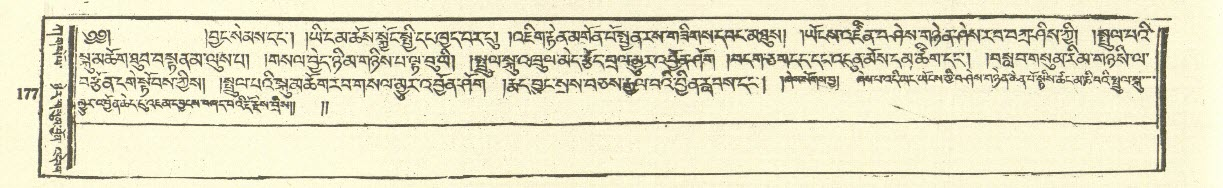༄༅། །བྱང་སེམས་དང་། །ཡི་དམ་ཆོས་སྐྱོང་སྤྱི་དང་ཁྱད་པར་དུ། །འཇིག་རྟེན་མགོན་པོ་སྤྱན་རས་གཟིགས་དབང་མཐུས། །ཡོངས་འཛིན་བཤེས་གཉེན་ཤེས་རབ་བཀྲ་ཤིས་ཀྱི། །སྤྲུལ་པའི་
སྐུ་མཆོག་ཐུབ་བསྟན་མ་ལུས་པ། །གསལ་བྱེད་ཉི་མ་གཉིས་པ་ལྟ་བུ་ཡི། །སྤྲུལ་སྐུ་འཁྲུལ་མེད་རྩོད་བྲལ་མྱུར་འབྱོན་ཤོག །བདག་ཅག་དད་དང་འདུན་མོས་དམ་ཚིག་དང་། །བསླབ་གསུམ་རིམ་གཉིས་ལ་
བརྩོན་དགེ་སྟོབས་ཀྱིས། །སྤྲུལ་པའི་སྐུ་མཆོག་རབ་གསལ་མྱུར་འབྱོན་ཤོག །རྨད་བྱུང་སྲས་བཅས་རྒྱལ་བའི་བྱིན་རླབས་དང་། །ཞེས་སོགས་བྱ། །ཞེས་པ་འདི་ཡང་ཡོངས་ཀྱི་བཤེས་གཉེན་ཆེན་པོ་སྟིས་ཚང་མ་ཎི་བའི་སྤྲུལ་སྐུ་
མྱུར་འབྱོན་ཆེད་དུ་འཇམ་དབྱངས་བཞད་པའི་རྡོ་རྗེས་བྲིས།།